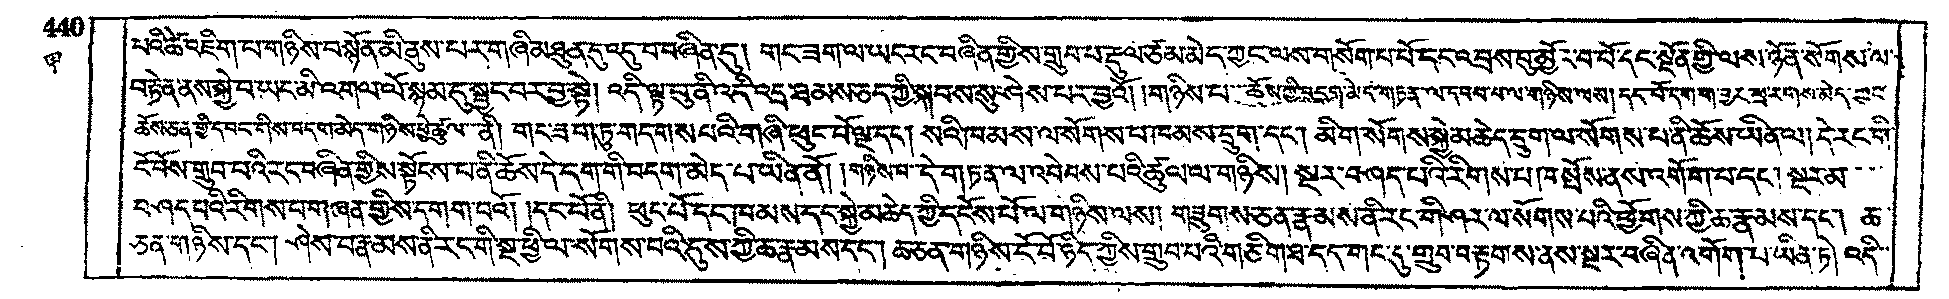པའི་ཚེ་འཇིག་པ་གཉིས་བསྙོན་མི་ནུས་པར་གཞི་མཐུན་དུ་འདུ་བ་བཞིན་དུ། གང་ཟག་ལ་ཡང་རང་བཞིན་གྱིས་གྲུབ་པ་རྡུལ་ཙམ་མེད་ཀྱང་ལས་གསོག་པ་པོ་དང་འབྲས་བུ་མྱོང་བ་པོ་དང་སྔོན་གྱི་ལས་ཉོན་སོགས་ལ་
བརྟེན་ནས་སྐྱེ་བ་ཡང་མི་འགལ་ལོ་སྙམ་དུ་སྦྱང་བར་བྱ་སྟེ། འདི་ལྟ་བུ་ནི་འདི་འདྲ་ཐམས་ཅད་ཀྱི་སྐབས་སུ་ཤེས་པར་བྱའོ། །གཉིས་པཆོས་ཀྱི་བདག་མེད་གཏན་ལ་དབབ་པ་ལ་གཉིས་ལས། དང་པོ་དགག་བྱར་ཕྲ་རགས་མེད་ཀྱང་
ཆོས་ཅན་གྱི་དབང་གིས་བདག་མེད་གཉིས་ཕྱེ་ཚུལ་ནི། གང་ཟག་ཏུ་གདགས་པའི་གཞི་ཕུང་པོ་ལྔ་དང་། སའི་ཁམས་ལ་སོགས་པ་ཁམས་དྲུག་དང་། མིག་སོགས་སྐྱེ་མཆེད་དྲུག་ལ་སོགས་པ་ནི་ཆོས་ཡིན་ལ། དེ་རང་གི་
ངོ་བོས་གྲུབ་པའི་རང་བཞིན་གྱིས་སྟོངས་པ་ནི་ཆོས་དེ་དག་གི་བདག་མེད་པ་ཡིན་ནོ། །གཉིས་པ་དེ་གཏན་ལ་འབེབས་པའི་ཚུལ་ལ་གཉིས། སྔར་བཤད་པའི་རིགས་པ་ཁ་སྤོས་ནས་འགོག་པ་དང་། སྔར་མ་
བཤད་པའི་རིགས་པ་གཞན་གྱིས་དགག་པའོ། །དང་པོ་ནི། ཕུང་པོ་དང་ཁམས་དང་སྐྱེ་མཆེད་ཀྱི་དངོས་པོ་ལ་གཉིས་ལས། གཟུགས་ཅན་རྣམས་ནི་རང་གི་ཤར་ལ་སོགས་པའི་ཕྱོགས་ཀྱི་ཆ་རྣམས་དང་། ཆ་
ཅན་གཉིས་དང་། ཤེས་པ་རྣམས་ནི་རང་གི་སྔ་ཕྱི་ལ་སོགས་པའི་དུས་ཀྱི་ཆ་རྣམས་དང་། ཆ་ཅན་གཉིས་ངོ་བོ་ཉིད་ཀྱིས་གྲུབ་པའི་གཅིག་ཐ་དད་གང་དུ་གྲུབ་བརྟགས་ནས་སྔར་བཞིན་འགོག་པ་ཡིན་ཏེ། འདི་